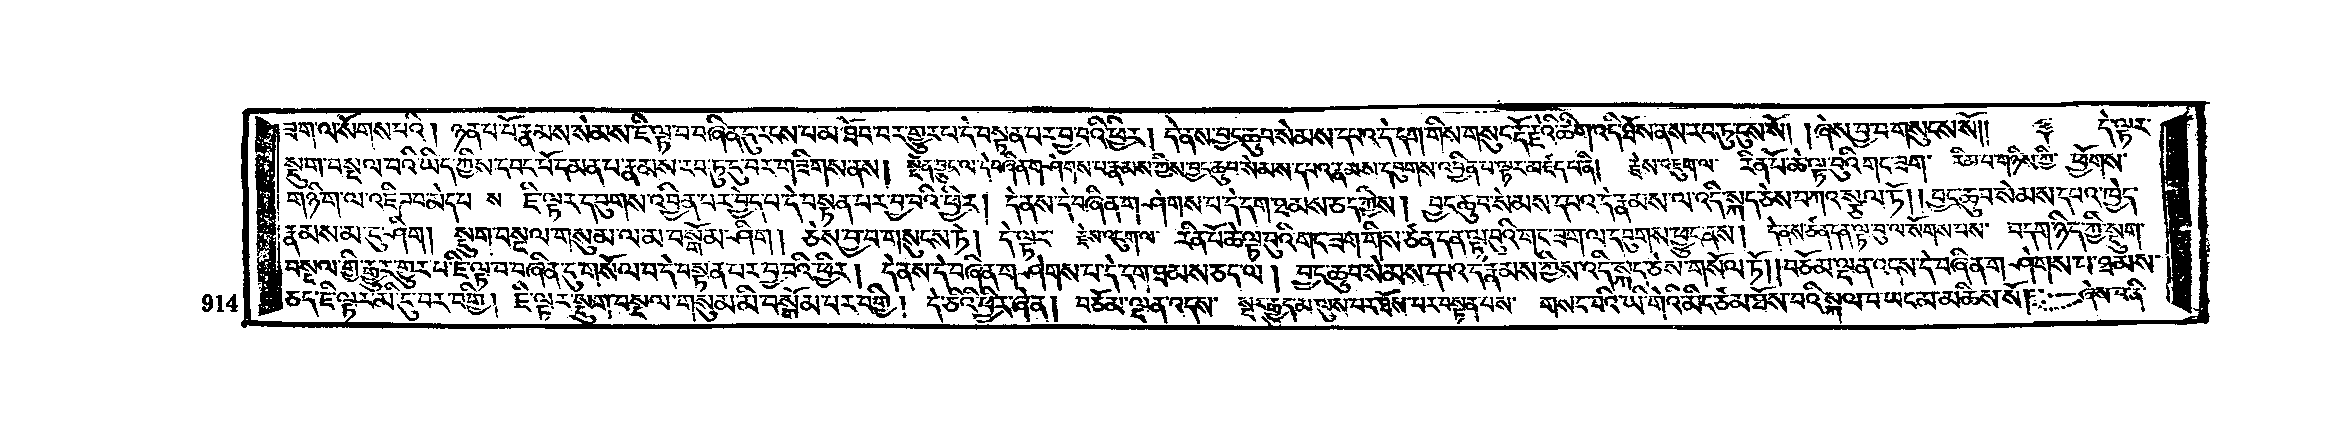ཟག་ལ་སོགས་པའི། ཉན་པ་པོ་རྣམས་སེམས་ཇི་ལྟ་བ་བཞིན་དུ་རངས་པ་མ་ཐོབ་པར་གྱུར་པ་དེ་བསྟན་པར་བྱ་བའི་ཕྱིར། དེ་ནས་བྱང་ཆུབ་སེམས་དཔའ་དེ་དག་གིས་གསུང་རྡོ་རྗེའི་ཚིག་འདི་ཐོས་ནས་རབ་ཏུ་དུས་སོ། །ཞེས་བྱ་བ་གསུངས་སོ།། ༈ དེ་ལྟར་
སྡུག་བསྔལ་བའི་ཡིད་ཀྱིས་དབང་པོ་དམན་པ་རྣམས་རབ་ཏུ་དུ་བར་གཟིགས་ནས། སྔོན་བྱུང་ལ་དེ་བཞིན་གཤེགས་པ་རྣམས་ཀྱིས་བྱང་ཆུབ་སེམས་དཔའ་རྣམས་དབུགས་འབྱིན་པ་ལྟར་མཛད་པ་ནི། རྗེས་འཇུག་ལ་རིན་པོ་ཆེ་ལྟ་བུའི་གང་ཟག་རིམ་པ་གཉིས་ཀྱི་ཕྱོགས་
གཉི་ག་ལ་འཇིགས་བ་མེད་པས་ཇི་ལྟར་དབུགས་འབྱིན་པར་བྱེད་པ་དེ་བསྟན་པར་བྱ་བའི་ཕྱིར། དེ་ནས་དེ་བཞིན་གཤེགས་པ་དེ་དག་ཐམས་ཅད་ཀྱིས། བྱང་ཆུབ་སེམས་དཔའ་དེ་རྣམས་ལ་འདི་སྐད་ཅེས་བཀའ་སྩལ་ཏོ། །བྱང་ཆུབ་སེམས་དཔའ་ཁྱེད་
རྣམས་མ་དུ་ཤིག །སྡུག་བསྔལ་གསུམ་ལ་མ་བསྒོམ་ཤིག །ཅེས་བྱ་བ་གསུངས་ཏེ། དེ་ལྟར་རྗེས་འཇུག་ལ་རིན་པོ་ཆེ་ལྟ་བུའི་གང་ཟག་གིས་ཙན་དན་ལྟ་བུའི་གང་ཟག་ལ་དབུགས་ཕྱུང་ནས། དེ་ནས་ཙན་དན་ལྟ་བུ་ལ་སོགས་པས་བདག་ཉིད་ཀྱི་སྡུག་
བསྔལ་གྱི་རྒྱུར་གྱུར་པ་ཇི་ལྟ་བ་བཞིན་དུ་གསོལ་བ་དེ་བསྟན་པར་བྱ་བའི་ཕྱིར། དེ་ནས་དེ་བཞིན་གཤེགས་པ་དེ་དག་ཐམས་ཅད་ལ། བྱང་ཆུབ་སེམས་དཔའ་དེ་རྣམས་ཀྱིས་འདི་སྐད་ཅེས་གསོལ་ཏོ། །བཅོམ་ལྡན་འདས་དེ་བཞིན་གཤེགས་པ་ཐམས་
ཅད་ཇི་ལྟར་མི་ངུ་བར་བགྱི། ཇི་ལྟར་སྡུག་བསྔལ་གསུམ་མི་བསྒོམ་པར་བགྱི། དེ་ཅིའི་ཕྱིར་ཞེ་ན། བཅོམ་ལྡན་འདས་སྔར་རྒྱུད་མ་ལུས་པར་ཐོས་པར་བསྟན་པས་གསང་བའི་ཡི་གེའི་མིང་ཙམ་ཐོས་པའི་སྐལ་བ་ཡང་མ་མཆིས་སོ། ཞེས་པ་ནི་